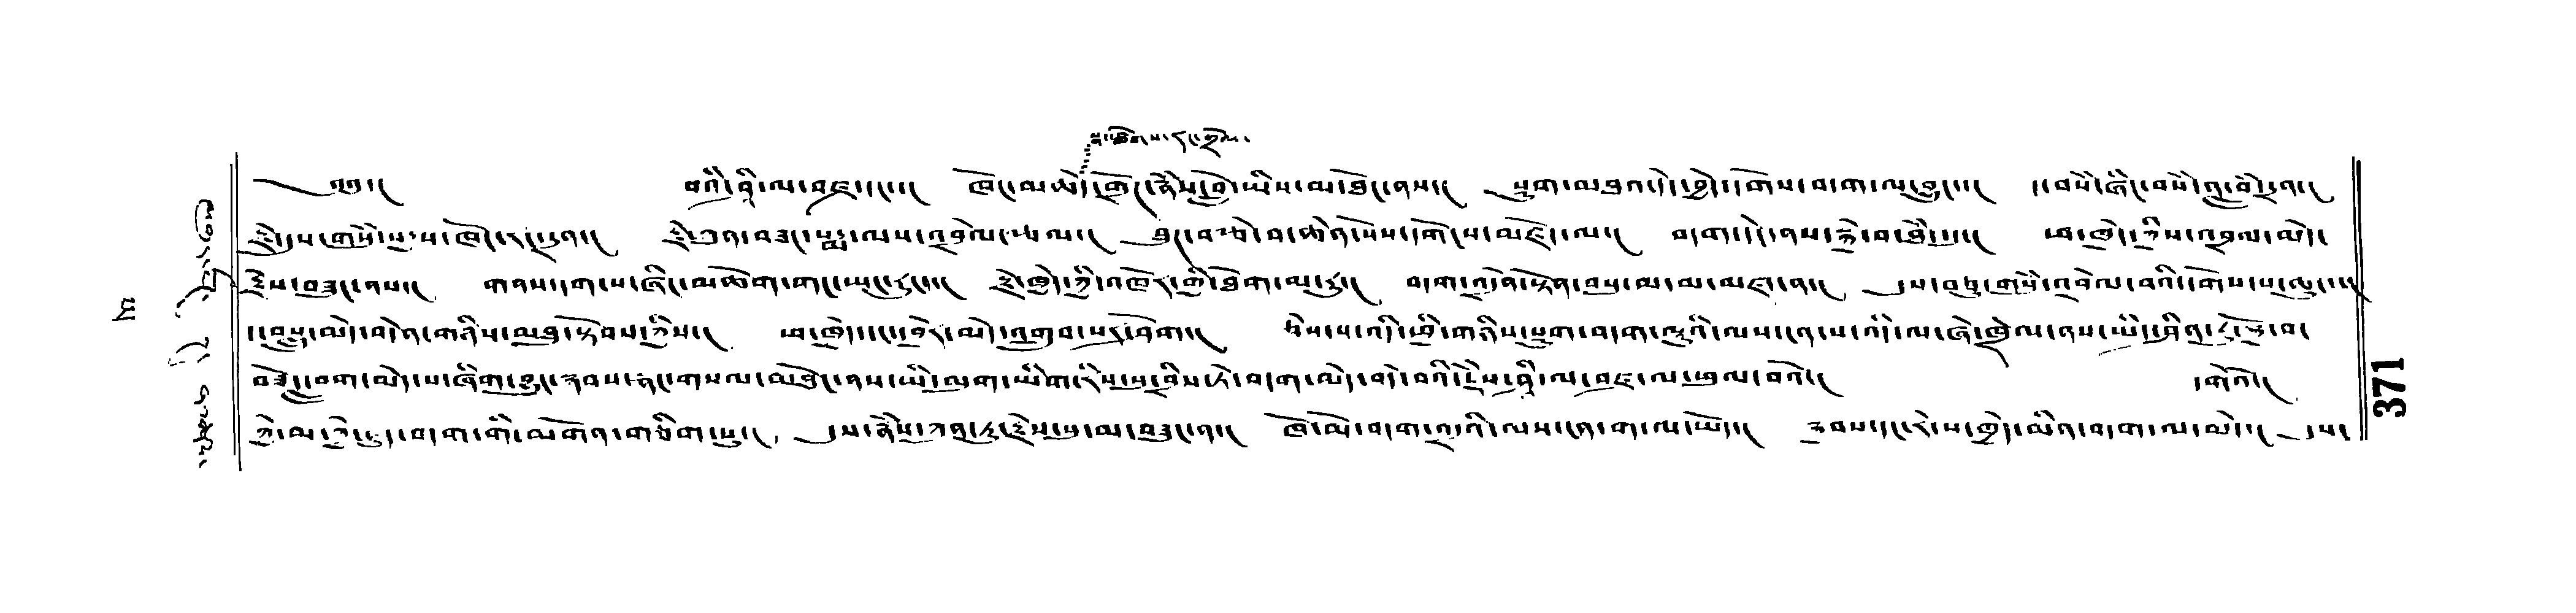ཤཱི་ལ་བཛྲ་དང་། ཁོང་མཆེད་གྲོགས་རྣམས་བློ་ཡིས་མ་ཐོངས་ནས། །སྡུག་མཐའ་དེད་བྱེད་དགོས་བདག་ལ་བྱུང་། །ད་བསམ་ཞིང་བསམ་ན་བླ་མ་དྲན། །
རྗེ་དུས་གསུམ་སངས་རྒྱས་ཁོང་རང་དྲན། །རྗེ་ཀུན་བཟང་པདྨ་ལས་འབྲེལ་རྩལ། །ཐུགས་བརྩེ་བ་ཆེན་པོས་དགོངས་མཛོད་ལ། །བདག་དེང་ནས་སྐྱེ་བ་ཐམས་ཅད་དུ། །ཕ་ཁྱེད་ཀྱིས་འབྲལ་མེད་
རྗེས་བཟུང་ནས། །གནས་དག་པ་ཞིང་མཆོག་གང་ཡང་རུང་། །རྗེ་ཁྱེད་ཀྱི་འཁོར་གྱི་ཐོག་མ་རུ། །བདག་འདྲེན་སྟོན་བསུ་མ་མ་མཛད་ན། །དུས་བཅུ་གསུམ་འབྲེལ་བའི་དགོས་པ་ཆུང་། །
ད་བསླུ་མེད་བདེན་གཉིས་མཐུ་སྟོབས་ཀྱིས། །ཕ་ཁྱེད་དང་དབྱེར་མེད་འགྲུབ་པར་ཤོག ཅེས་པ་འདི་ཕྱི་གཉིས་སྡུག་བདག་ལྟ་བུའི་ལས་ངན་པ་འདི་ལ་ཞེ་ཁྲེལ་ནས་ཡིད་ཤིན་རུ་སྐྱོ་བ་
བཟོད་བླག་མེད་པ་ཞིག་བྱུང་སྐབས་སྣང་གསལ་མཐོངས་ནས་ཡི་མུག་ཡིག་རིས་སུ་བྲིས་ཏེ་བདག་མེད་བདེ་བའི་རྡོ་རྗེས་ཤཱི་ལ་བཛྲ་ལ་ཕུལ་བའོ།། དགེའོ།། 
ཀྱེ་མ་ཀྱེ་ཧུད་བདག་གི་མགོན་གཅིག་པུ། དུས་རྣམས་ཀུན་ཏུ་རྗེས་སུ་མ་བཟུང་ན། ཁོ་མོ་བདག་འདྲའི་ལས་ངན་ག་ལ་ཡོད། །སྐྱབས་དང་རེ་ས་ཁྱེད་མིན་བདག་ལ་མེད། །དུས་